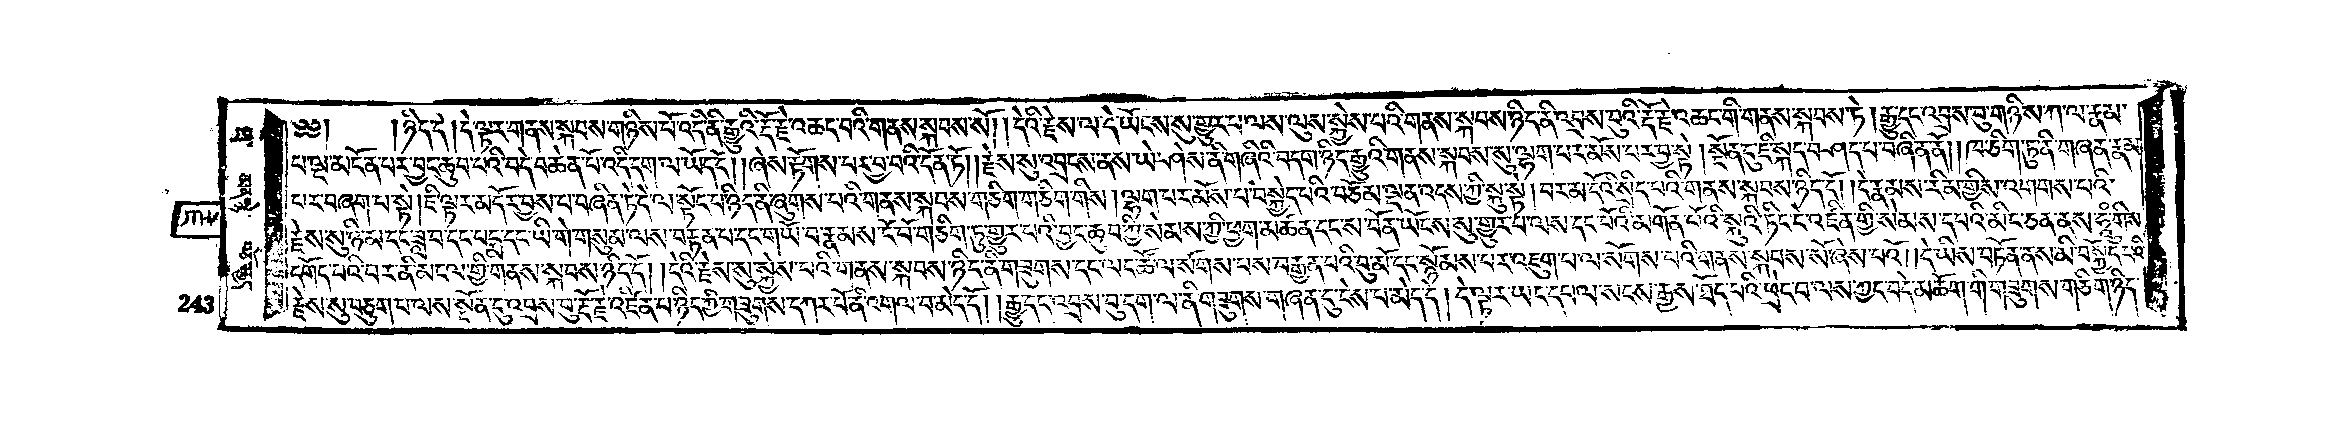༄༅། །ཉིད་དོ། དེ་ལྟར་གནས་སྐབས་གཉིས་པོ་འདི་ནི་རྒྱུའི་རྡོ་རྗེ་འཆང་བའི་གནས་སྐབས་སོ། །དེའི་རྗེས་ལ་དེ་ཡོངས་སུ་གྱུར་པ་ལས་ལུས་སྐྱེས་པའི་གནས་སྐབས་ཉིད་ནི་འབྲས་བུའི་རྡོ་རྗེ་འཆང་གི་གནས་སྐབས་ཏེ། རྒྱུ་དང་འབྲས་བུ་གཉིས་ཀ་ལ་རྣམ་
པ་ལྔ་མངོན་པར་བྱང་ཆུབ་པའི་བདེ་བ་ཆེན་པོ་འདི་དག་ལ་ཡོད་དོ། །ཞེས་རྟོགས་པར་བྱ་བའི་དོན་ཏོ། །རྗེས་སུ་འབྲངས་ནས་ཡེ་ཤེས་ནི་གཞིའི་བདག་ཉིད་རྒྱུའི་གནས་སྐབས་སུ་ལྷག་པར་མོས་པར་བྱ་སྟེ། སྔོན་དུ་ཇི་སྐད་བཤད་པ་བཞིན་ནོ། །ཁ་ཅིག་ཏུ་ནི་གཞན་རྣམ་
པར་བཞག་པ་སྟེ། ཇི་ལྟར་མདོར་བྱས་པ་བཞིན་ཏེ་དེ་ལ་སྟོང་པ་ཉིད་ནི་ཞུགས་པའི་གནས་སྐབས་གཅིག་གཅིག་གིས། ལྷག་པར་མོས་པ་བསྐྱེད་པའི་བཅོམ་ལྡན་འདས་ཀྱི་སྐུ་སྟེ། བར་མ་དོའི་སྲིད་པའི་གནས་སྐབས་ཉིད་དོ། །དེ་རྣམས་རིམ་གྱིས་འགགས་པའི་
རྗེས་སུ་ཉི་མ་དང་ཟླ་བ་དང་པདམ་དང་ཡི་གེ་གསུམ་ལས་བརྟན་པ་དང་གཡོ་བ་རྣམས་ངོ་བོ་གཅིག་ཏུ་གྱུར་པའི་བྱང་ཆུབ་ཀྱི་སེམས་ཀྱི་ཕྱག་མཚན་དང་ས་བོན་ཡོངས་སུ་གྱུར་པ་ལས་དང་པོའི་མགོན་པོའི་སྐུའི་ཏིང་ངེ་འཛིན་གྱི་སེམས་དཔའི་མིང་ཅན་ནས་ཧཱུཾ་གིས་
དགོད་པའི་བར་ནི་མངལ་གྱི་གནས་སྐབས་ཉིད་དོ། །དེའི་རྗེས་སུ་སྐྱེས་པའི་གནས་སྐབས་ཉིད་ནི་གཟུགས་དང་ལང་ཚོ་ལ་སོགས་པས་བརྒྱན་པའི་བུ་མོ་དང་སྙོམས་པར་འཇུག་པ་ལ་སོགས་པའི་གནས་སྐབས་སོ་ཞེས་པའོ། །དེ་ཡིས་བཏོན་ནས་མི་བསྐྱོད་པའི་
རྗེས་སུ་བཅུག་པ་ལས་སྔོན་དུ་འབྲས་བུ་རྡོ་རྗེ་འཛིན་པ་ཉིད་ཀྱི་གཟུགས་དཀར་པོ་ནི་འགལ་བ་མེད་དོ། །རྒྱུ་དང་འབྲས་བུ་དག་ལ་ནི་གཟུགས་གཞན་དུ་ངེས་པ་མེད་དེ། དེ་ལྟར་ཡང་དཔལ་སངས་རྒྱས་ཐོད་པའི་ཕྲེང་བ་ལས་ཀྱང་བདེ་མཆོག་གི་གཟུགས་གཅིག་ཉིད་